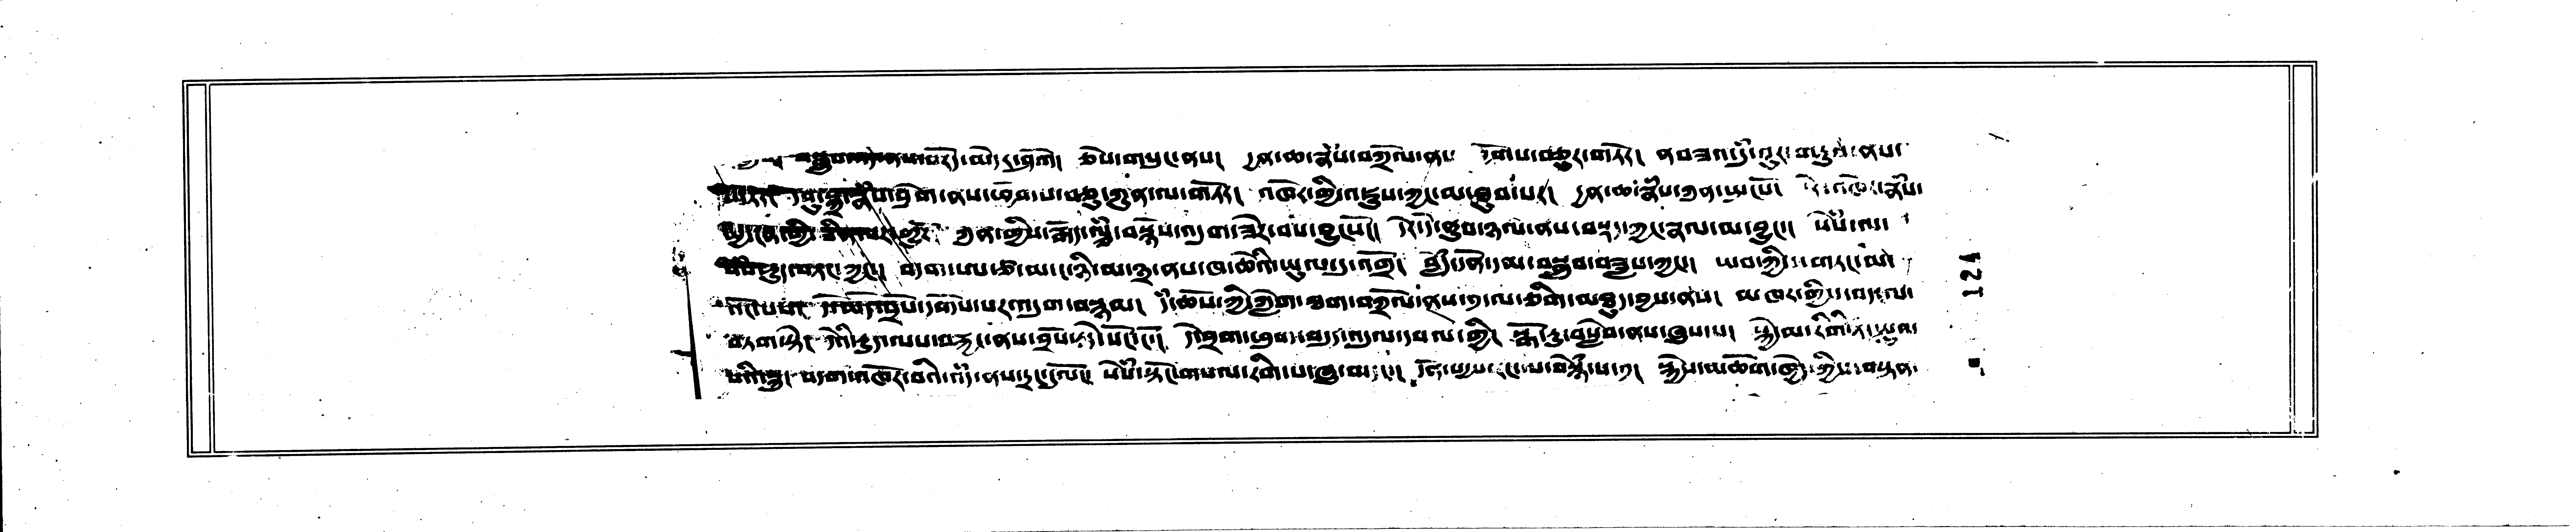༼༽བསྒྲུབ་༼༽ནས་བར་ཆོད་མེད་པར་ཤོག ཅེས་གསུངས་ནས། རྒྱན་ཆ་རྣམས་བཀྲོལ་ནས་ཕྱོགས་བཅུར་གཏོར། ནབ་བཟའ་དུམ་བུར་གཏུབ་ནས་
གཏོར། དབུ་སྐྲ་རྣམས་བྲེགས་ནས་ཕྱོགས་བཅུ་ཀུན་ཏུ་གཏོར། འཁོར་གྱིས་འཇུས་ཀྱང་མ་ཐུབ་པར། རྒྱན་ཆ་རྣམས་ཀུན་སྤངས་སོ། །དེར་འཁོར་རྣམས་
མྱ་ངན་གྱིས་ཟིན་པར་གྱུར། ཀུན་གྱིས་རྒོད་ལྕམ་མྱོས་འདུག་ཟེར་བ་བྱུང་ངོ་། དེར་དེ་ནུབ་ཉལ་ནས་བསྡད་ཀྱང་རྣལ་མ་བྱུང་། སེམས་ལ་
སེམས་རྒྱུད་བཏང་ཀྱང་། བདག་ཨ་ཙ་མ་ང་ཉི་མ་གསུམ་ནས་ཁ་ཆེའི་ཡུལ་དུ་འགྲོ། བླ་མེད་དོན་དམ་བསྒྲུབ་བཟླས་ཀྱང་། ཡབ་ཀྱིས་གཏོང་མི་
འོང་བས། དོ་མོད་བྲོས་དགོས་པར་འདུག་སྙམ། དམ་ཆོས་ཀྱི་གླེགས་ཐག་བཀྲོལ་ནས་གཅིག་ལ་གཅིག་མཐུད་བྱས་ནས། མཁར་གྱི་བད་ལ་
བཏགས་ཏེ། དེའི་རྒྱུད་ལ་བརྐྱངས་ནས་བྲོས་ཏེ་སོང་ངོ་། དེ་བྲག་ཕུག་བདུད་འདུལ་དབལ་གྱི་སྒོ་རུ་སླེབས་ནས་ཞུས་པ། ཀྱེ་མ་རིག་འཛིན་སྤྲུལ་
པའི་སྐུ། བདག་འཁོར་བའི་འདམ་ནས་དྲང་དུ་གསོལ། སེམས་སྟོང་གསལ་རིག་པ་ཞུ་བ་དང་། དོན་སངས་རྒྱས་རང་ལ་བསྙེམས་པ་གཅིག སྐྱེས་མཆོག་ཁྱེད་ཀྱིས་བསྟན་